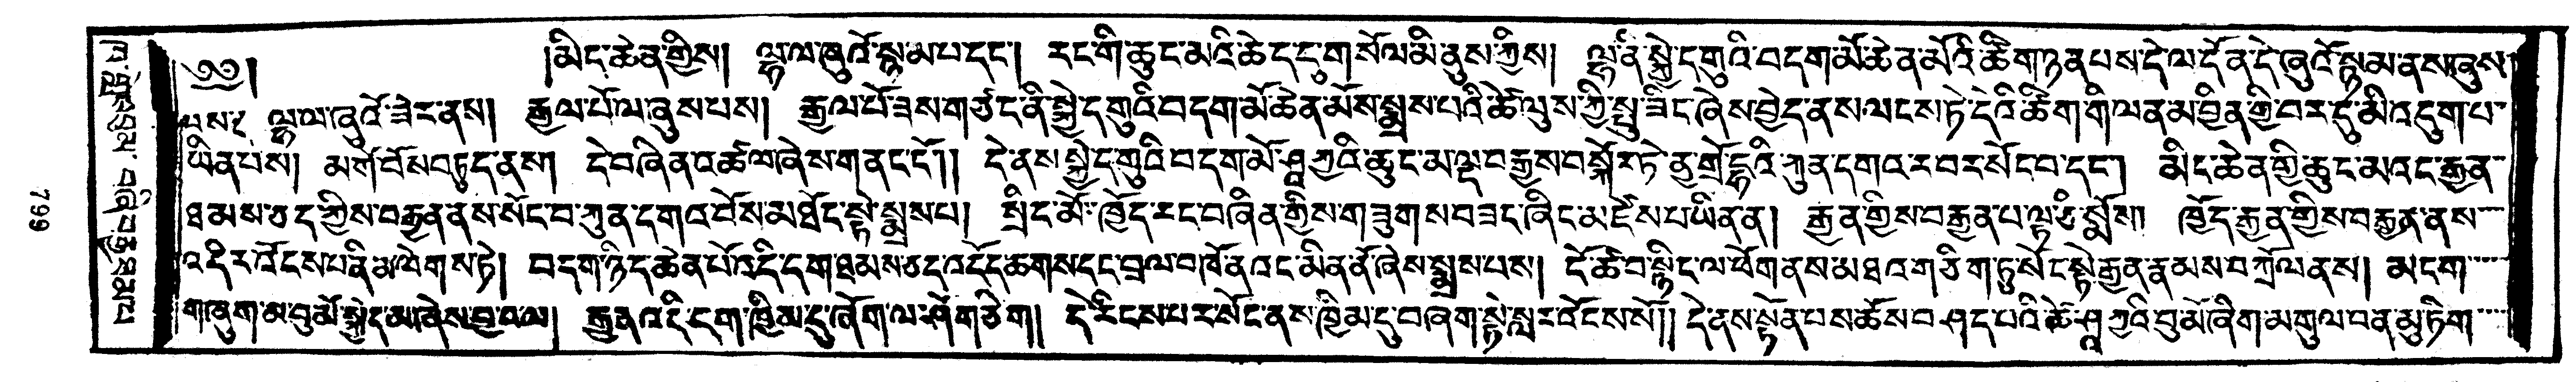༄༅། །མིང་ཆེན་གྱིས། ལྷ་ལ་ཞུའོ་སྙམ་པ་དང་། རང་གི་ཆུང་མའི་ཆེད་དུ་གསོལ་མི་ནུས་ཀྱིས། ལྷ་ནི་སྐྱེ་དགུའི་བདག་མོ་ཆེན་མོའི་ཚིག་ཉན་པས་དེ་ལ་དོན་དེ་ཞུའོ་སྙམ་ནས་ཞུས་
པས༑ ལྷ་ལ་ཞུའོ་ཟེར་ནས། རྒྱལ་པོ་ལཞུས་པས། རྒྱལ་པོ་ཟ་གཙང་ནི་སྐྱེ་དགུའི་བདག་མོ་ཆེན་མོས་སྨྲས་པའི་ཚེ་ལུས་ཀྱི་སྤུ་ཟིང་ཞེས་བྱེད་ནས་ལངས་ཏེ་དེའི་ཚིག་གི་ལན་མ་བྱིན་གྱི་བར་དུ་མི་འདུག་པ་
ཡིན་པས། མགོ་བོས་བཏུད་ནས། དེ་བཞིན་འཚལ་ཞེས་གནང་ངོ།། དེ་ནས་སྐྱེ་དགུའི་བདག་མོ་ཤཱཀྱའི་ཆུང་མ་ལྔ་བརྒྱས་བསྐོར་ཏེ་ནྱ་གྲོ་དྷའི་ཀུན་དགའ་ར་བར་སོང་བ་དང་། མིང་ཆེན་གྱི་ཆུང་མའང་རྒྱན་
ཐམས་ཅད་ཀྱིས་བརྒྱན་ནས་སོང་བ་ཀུན་དགའ་བོས་མཐོང་སྟེ་སྨྲས་པ། སྲིང་མོ་ཁྱོད་རང་བཞིན་གྱིས་གཟུགས་བཟང་ཞིང་མཛེས་པ་ཡིན་ན། རྒྱན་གྱིས་བརྒྱན་པ་ལྟ་ཅཾ་སྨོས། ཁྱོད་རྒྱན་གྱིས་བརྒྱན་ནས་
འདིར་འོངས་པ་ནི་མ་ལེགས་ཏེ། བདག་ཉིད་ཆེན་པོ་འདི་དག་ཐམས་ཅད་འདོད་ཆགས་དང་བྲལ་བ་ཁོ་ནའང་མིན་ནོ་ཞེས་སྨྲས་པས། ངོ་ཚ་བ་སྙིང་ལ་ཕོག་ནས་མཐའ་གཅིག་ཏུ་སོང་སྟེ་རྒྱན་རྣམས་བཀྲོལ་ནས། མངག་
གཞུག་མ་བུ་མོ་སྐྱེད་མ་ཞེས་བྱ་བ་ལ། རྒྱན་འདི་དག་ཁྱིམ་དུ་ཞོག་ལ་ཤོག་ཅིག། དེ་རིངས་པར་སོང་ནས་ཁྱིམ་དུ་བཞག་སྟེ་སླར་འོངས་སོ།། དེ་ནས་སྟོན་པས་ཆོས་བཤད་པའི་ཚེ་ཤཱཀྱའི་བུ་མོ་ཞིག་མགུལ་བན་མུ་ཏིག་